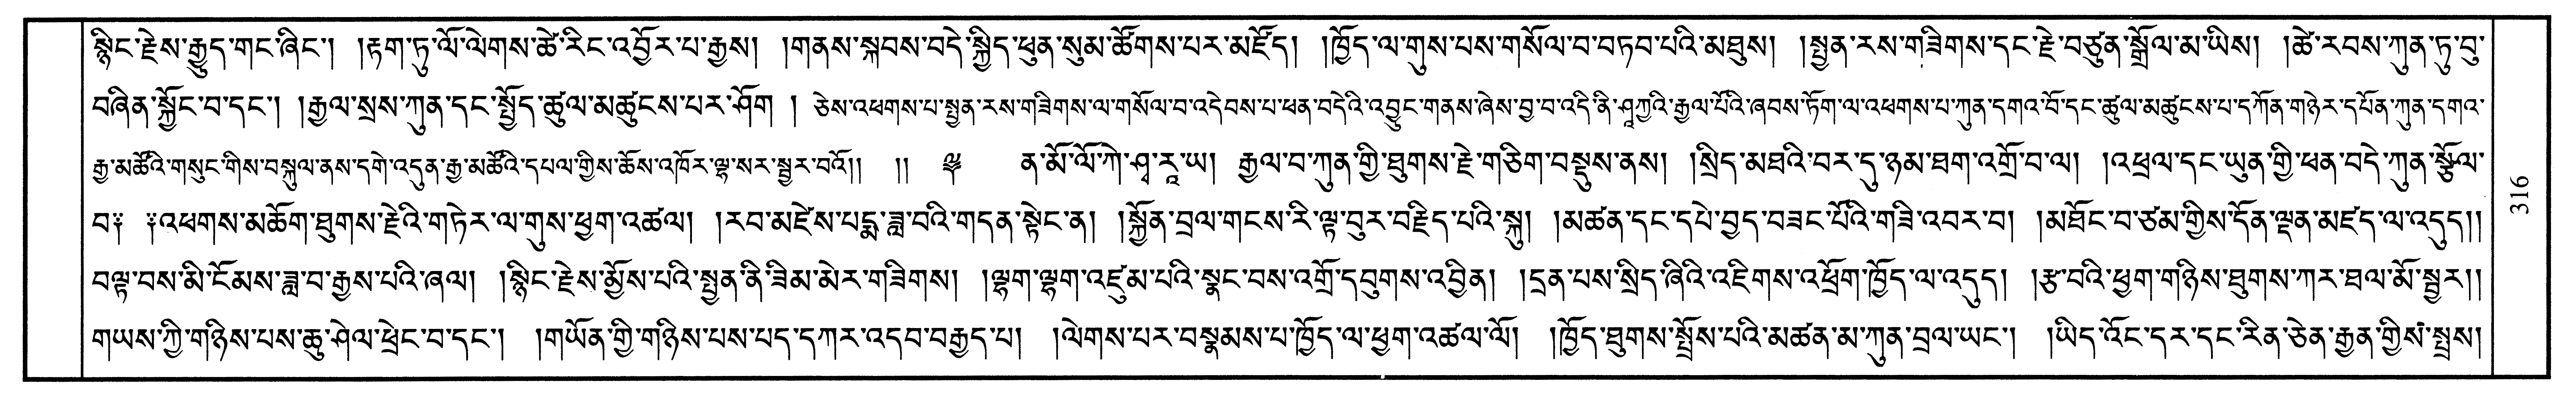སྙིང་རྗེས་རྒྱུད་གང་ཞིང་། །རྟག་ཏུ་ལོ་ལེགས་ཚེ་རིང་འབྱོར་པ་རྒྱས། །གནས་སྐབས་བདེ་སྐྱིད་ཕུན་སུམ་ཚོགས་པར་མཛོད། །ཁྱོད་ལ་གུས་པས་གསོལ་བ་བཏབ་པའི་མཐུས། །སྤྱན་རས་གཟིགས་དང་རྗེ་བཙུན་སྒྲོལ་མ་ཡིས། །ཚེ་རབས་ཀུན་ཏུ་བུ་
བཞིན་སྐྱོང་བ་དང་། །རྒྱལ་སྲས་ཀུན་དང་སྤྱོད་ཚུལ་མཚུངས་པར་ཤོག །ཅེས་འཕགས་པ་སྤྱན་རས་གཟིགས་ལ་གསོལ་བ་འདེབས་པ་ཕན་བདེའི་འབྱུང་གནས་ཞེས་བྱ་བ་འདི་ནི་ཤཱཀྱའི་རྒྱལ་པོའི་ཞབས་ཏོག་ལ་འཕགས་པ་ཀུན་དགའ་བོ་དང་ཚུལ་མཚུངས་པ་དཀོན་གཉེར་དཔོན་ཀུན་དགའ་
རྒྱ་མཚོའི་གསུང་གིས་བསྐུལ་ནས་དགེ་འདུན་རྒྱ་མཚོའི་དཔལ་གྱིས་ཆོས་འཁོར་ལྷ་སར་སྦྱར་བའོ།། །། ༈ ན་མོ་ལོ་ཀེ་ཤྭ་རཱ་ཡ། རྒྱལ་བ་ཀུན་གྱི་ཐུགས་རྗེ་གཅིག་བསྡུས་ནས། །སྲིད་མཐའི་བར་དུ་ཉམ་ཐག་འགྲོ་བ་ལ། །འཕྲལ་དང་ཡུན་གྱི་ཕན་བདེ་ཀུན་སྩོལ་
བ༑ ༑འཕགས་མཆོག་ཐུགས་རྗེའི་གཏེར་ལ་གུས་ཕྱག་འཚལ། །རབ་མཛེས་པདམ་ཟླ་བའི་གདན་སྟེང་ན། །སྐྱོན་བྲལ་གངས་རི་ལྟ་བུར་བརྗིད་པའི་སྐུ། །མཚན་དང་དཔེ་བྱད་བཟང་པོའི་གཟི་འབར་བ། །མཐོང་བ་ཙམ་གྱིས་དོན་ལྡན་མཛད་ལ་འདུད། །
བལྟ་བས་མི་ངོམས་ཟླ་བ་རྒྱས་པའི་ཞལ། །སྙིང་རྗེས་མྱོས་པའི་སྤྱན་ནི་ཟིམ་མེར་གཟིགས། །ལྷག་ལྷག་འཛུམ་པའི་སྣང་བས་འགྲོ་དབུགས་འབྱིན། །དྲན་པས་སྲིད་ཞིའི་འཇིགས་འཕྲོག་ཁྱོད་ལ་འདུད། །རྩ་བའི་ཕྱག་གཉིས་ཐུགས་ཀར་ཐལ་མོ་སྦྱར། །
གཡས་ཀྱི་གཉིས་པས་ཆུ་ཤེལ་ཕྲེང་བ་དང་། །གཡོན་གྱི་གཉིས་པས་པད་དཀར་འདབ་བརྒྱད་པ། །ལེགས་པར་བསྣམས་པ་ཁྱོད་ལ་ཕྱག་འཚལ་ལོ། །ཁྱོད་ཐུགས་སྤྲོས་པའི་མཚན་མ་ཀུན་བྲལ་ཡང་། །ཡིད་འོང་དར་དང་རིན་ཅེན་རྒྱན་གྱིས་སྤྲས། །